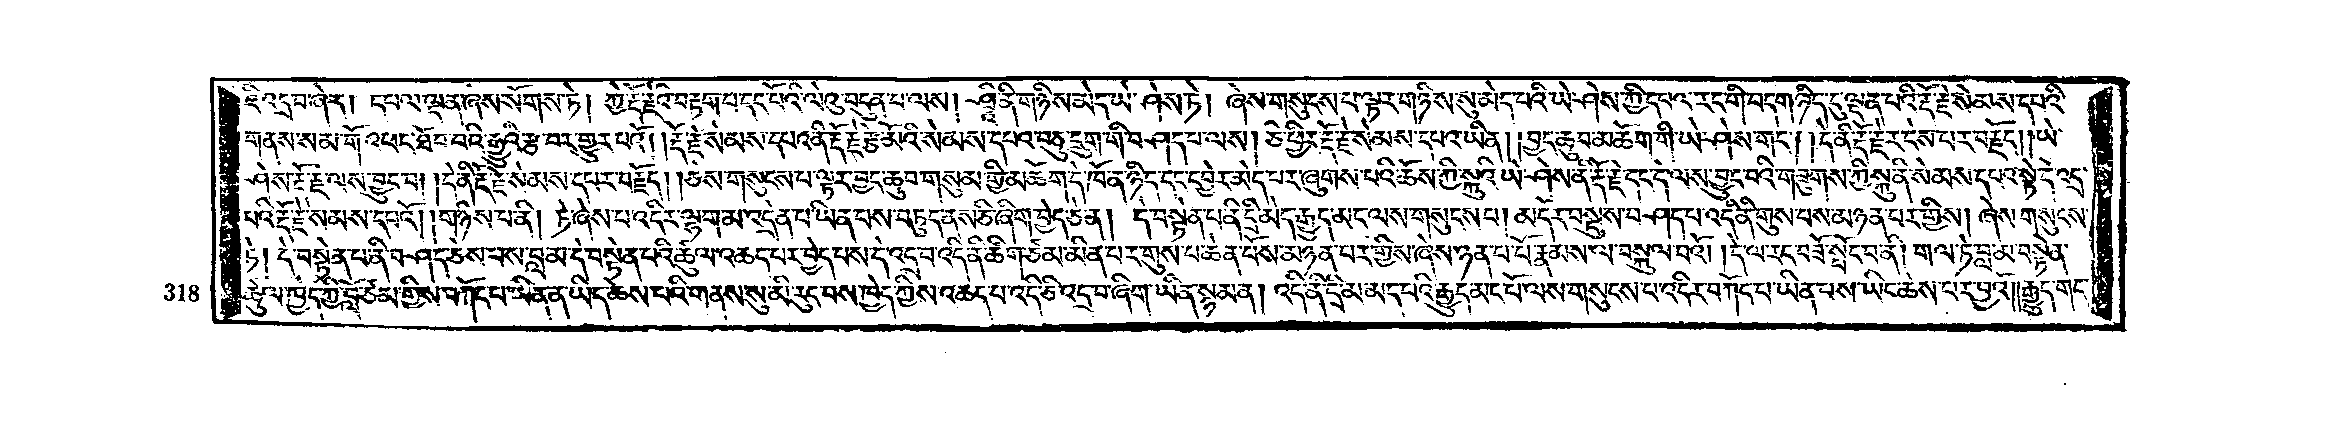ཇི་འདྲ་བ་ཞེར། དཔལ་ལྡན་ཞེས་སོགས་ཏེ། ཀྱེ་རྡོ་རྗེའི་བརྟག་པ་དང་པོའི་ལེའུ་བདུན་པ་ལས། ཤྲཱི་ནི་གཉིས་མེད་ཡེ་ཤེས་ཏེ། ཞེས་གསུངས་པ་ལྟར་གཉིས་སུ་མེད་པའི་ཡེ་ཤེས་ཀྱི་དཔའ་རང་གི་བདག་ཉིད་དུ་ལྡན་པའི་རྡོ་རྗེ་སེམས་དཔའི་
གནས་སམ་གོ་འཕང་ཐོབ་པའི་རྒྱུའི་རྩ་བར་གྱུར་པའོ། །རྡོ་རྗེ་སེམས་དཔའ་ནི་རྡོ་རྗེ་རྩེ་མོའི་སེམས་དཔའ་བཅུ་དྲུག་གི་བཤད་པ་ལས། ཅི་ཕྱིར་རྡོ་རྗེ་སེམས་དཔའ་ཡིན། །བྱང་ཆུབ་མཆོག་གི་ཡེ་ཤེས་གང་། །དེ་ནི་རྡོ་རྗེར་ངེས་པར་བརྗོད། །ཡེ་
ཤེས་རྡོ་རྗེ་ལས་བྱུང་བ། །དེ་ནི་རྡོ་རྗེ་སེམས་དཔར་བརྗོད། །ཅེས་གསུངས་པ་ལྟར་བྱང་ཆུབ་གསུམ་གྱི་མཆོག་དེ་ཁོ་ན་ཉིད་དང་དབྱེར་མེད་པར་ཞུགས་པའི་ཆོས་ཀྱི་སྐུའི་ཡེ་ཤེས་ནི་རྡོ་རྗེ་དང་དེ་ལས་བྱུང་བའི་གཟུགས་ཀྱི་སྐུ་ནི་སེམས་དཔའ་སྟེ་དེ་འདྲ་
པའི་རྡོ་རྗེ་སེམས་དཔའོ། །གཉིས་པ་ནི། ཏེ་ཞེས་པ་འདིར་ལྷག་མ་འདྲེན་པ་ཡིན་པས་བཏུད་ནས་ཅི་ཞིག་བྱེད་ཅེ་ན། དེ་བསྟེན་པ་ནི་དྲི་མེད་རྒྱུད་མང་ལས་གསུངས་པ། མདོར་བསྡུས་བཤད་པ་འདི་ནི་གུས་པས་མཉན་པར་གྱིས། ཞེས་གསུངས་
ཏེ། དེ་བསྟེན་པ་ནི་བཤད་ཅེས་པས་བླ་མ་དེ་བསྟེན་པའི་ཚུལ་འཆད་པར་བྱེད་པས་དེ་འདྲ་བ་འདི་ནི་ཚིག་ཙམ་མིན་པར་གུས་པ་ཆེན་པོས་མཉན་པར་གྱིས་ཞེས་ཉན་པ་པོ་རྣམས་ལ་བསྐུལ་བའོ། །དེ་ལ་རང་བཟོ་སྤོང་བ་ནི། གལ་ཏེ་བླ་མ་བསྟེན་
ཚུལ་ཁྱེད་ཀྱི་བློ་ཙམ་གྱིས་བཀོད་པ་ཡིན་ན་ཡིད་ཆེས་པའི་གནས་སུ་མི་རུང་བས་ཁྱེད་ཀྱིས་འཆད་པ་འདི་ཅི་འདྲ་བ་ཞིག་ཡིན་སྙམ་ན། འདི་ནི་དྲི་མ་མད་པའི་རྒྱུད་མང་པོ་ལས་གསུངས་པ་འདིར་བཀོད་པ་ཡིན་པས་ཡིད་ཆེས་པར་བྱའོ། །རྒྱུད་གང་